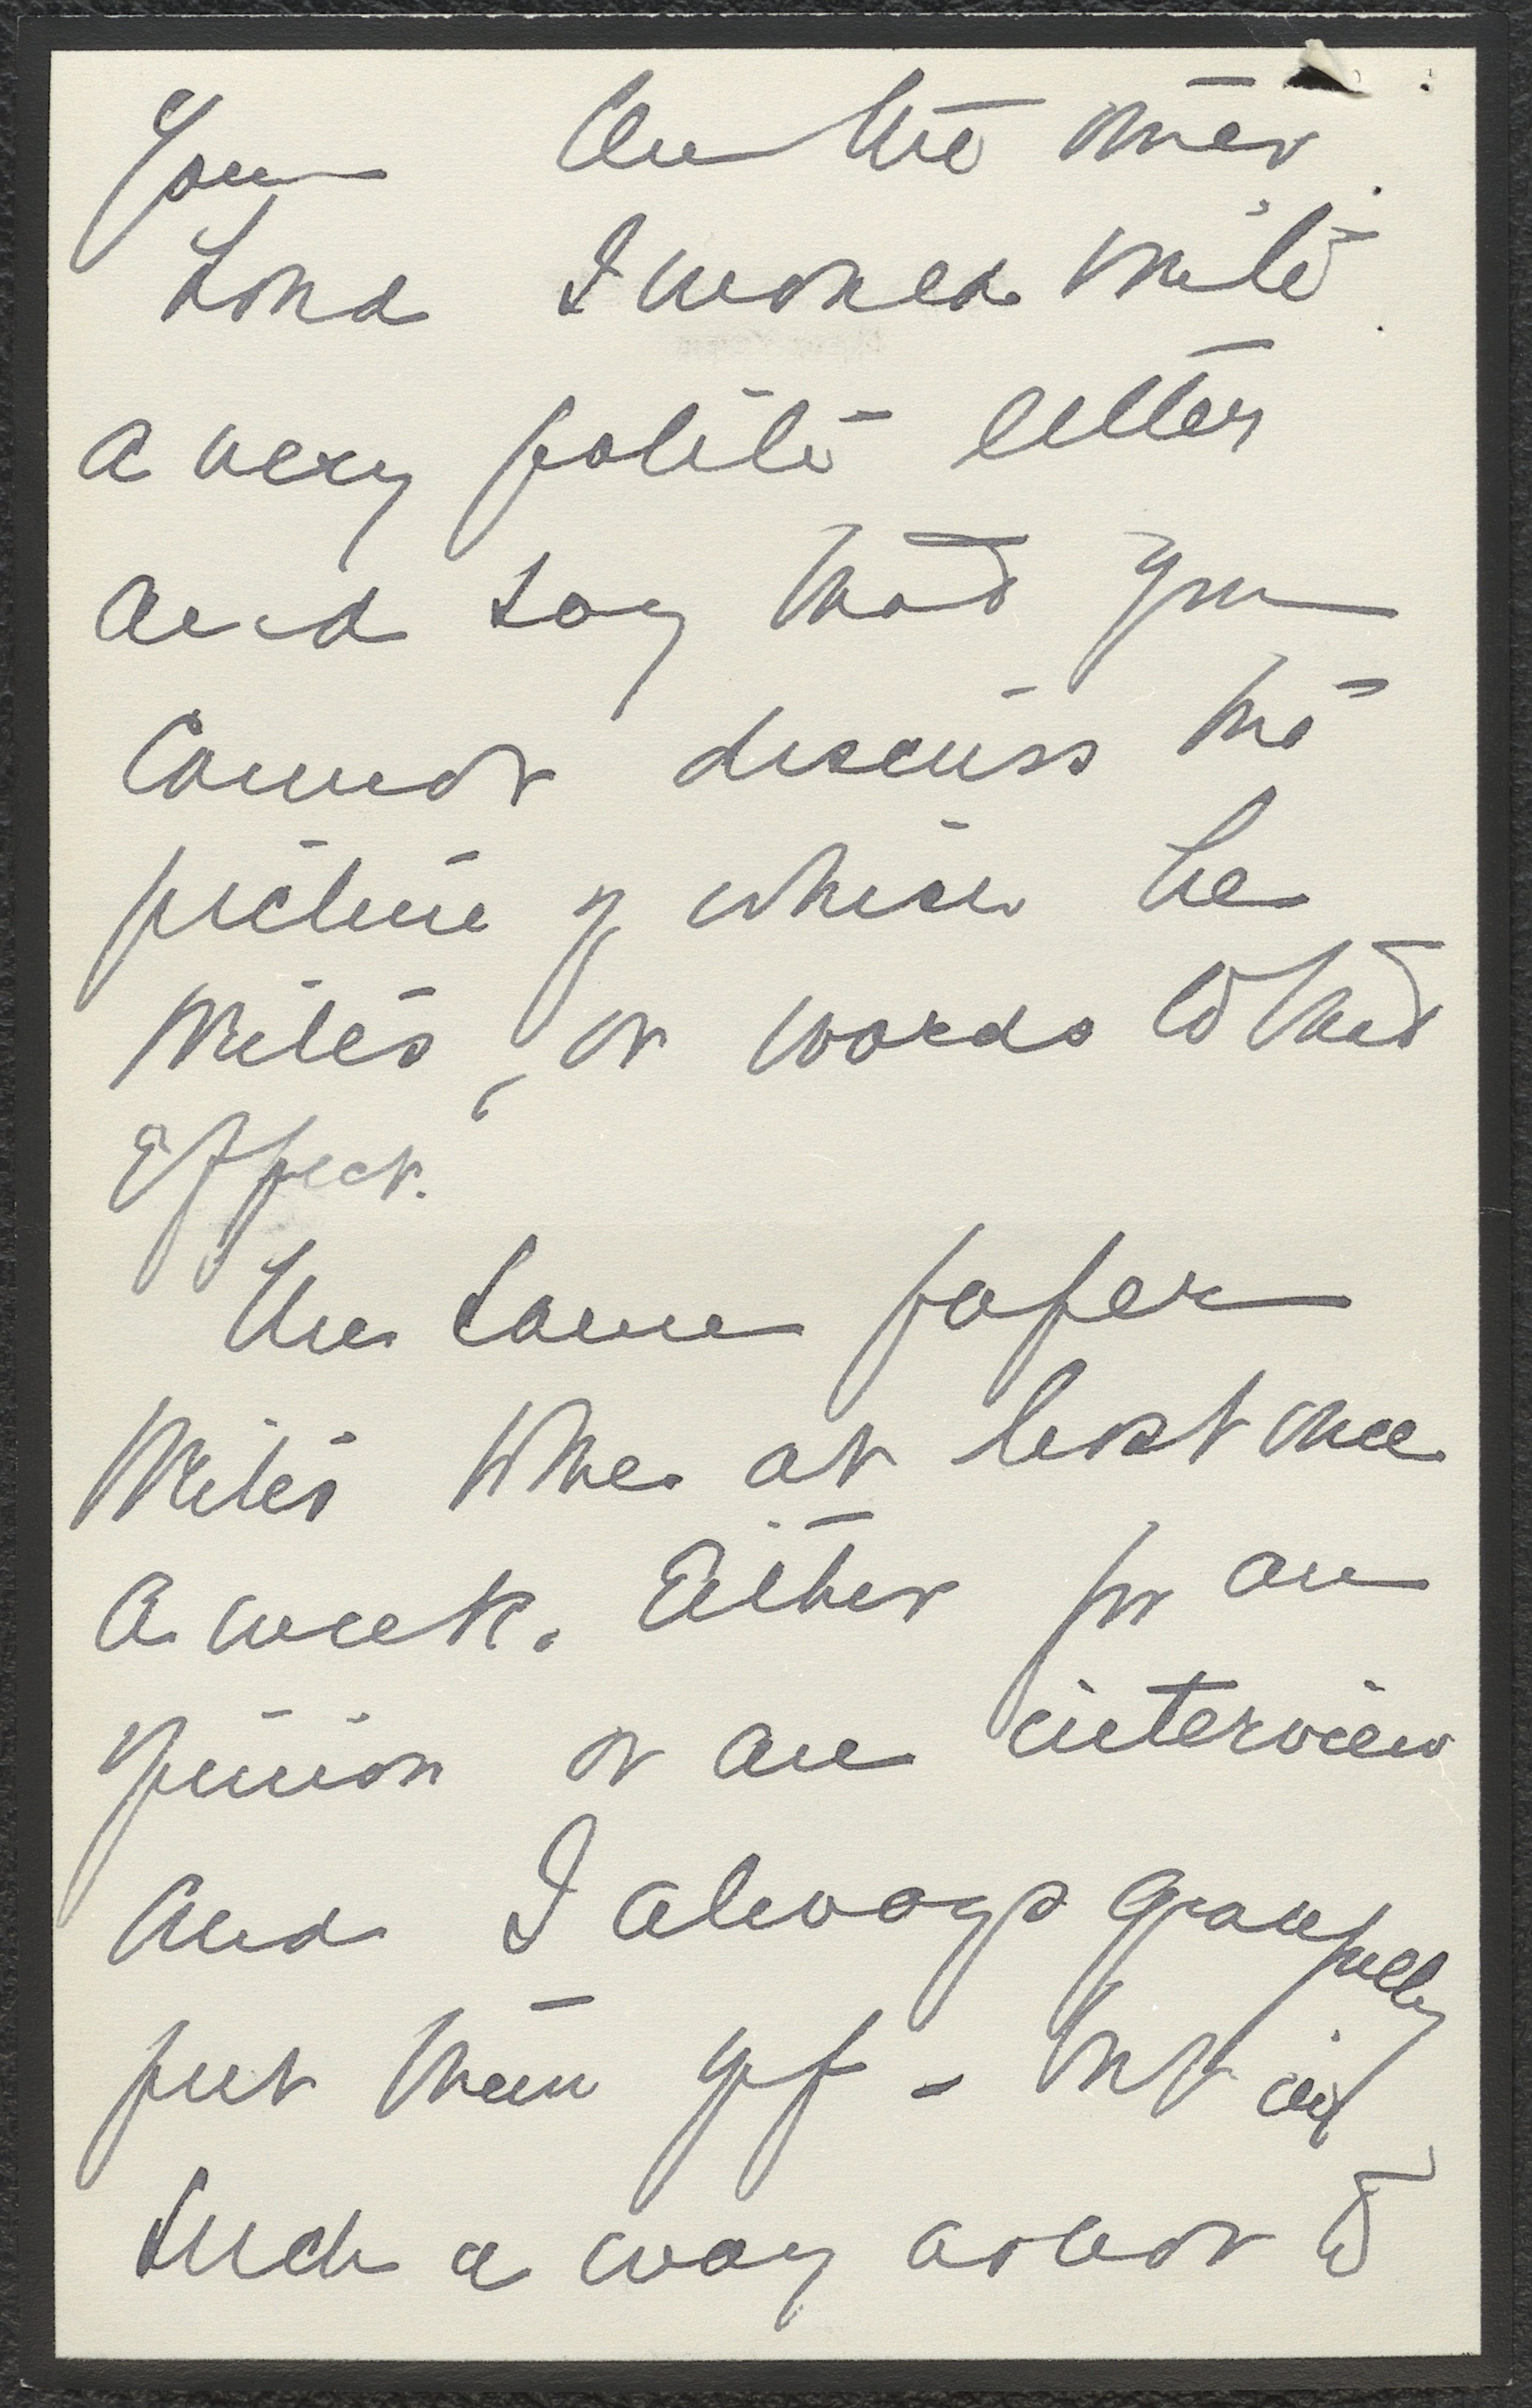You – On the other hand I would write a very polite letter and say that you cannot discuss the picture of which he writes, or words to that effect.
The same paper writes to me at least once a week, either for an opinion or an interview and I always gracefully put them off – but in such a way as not to